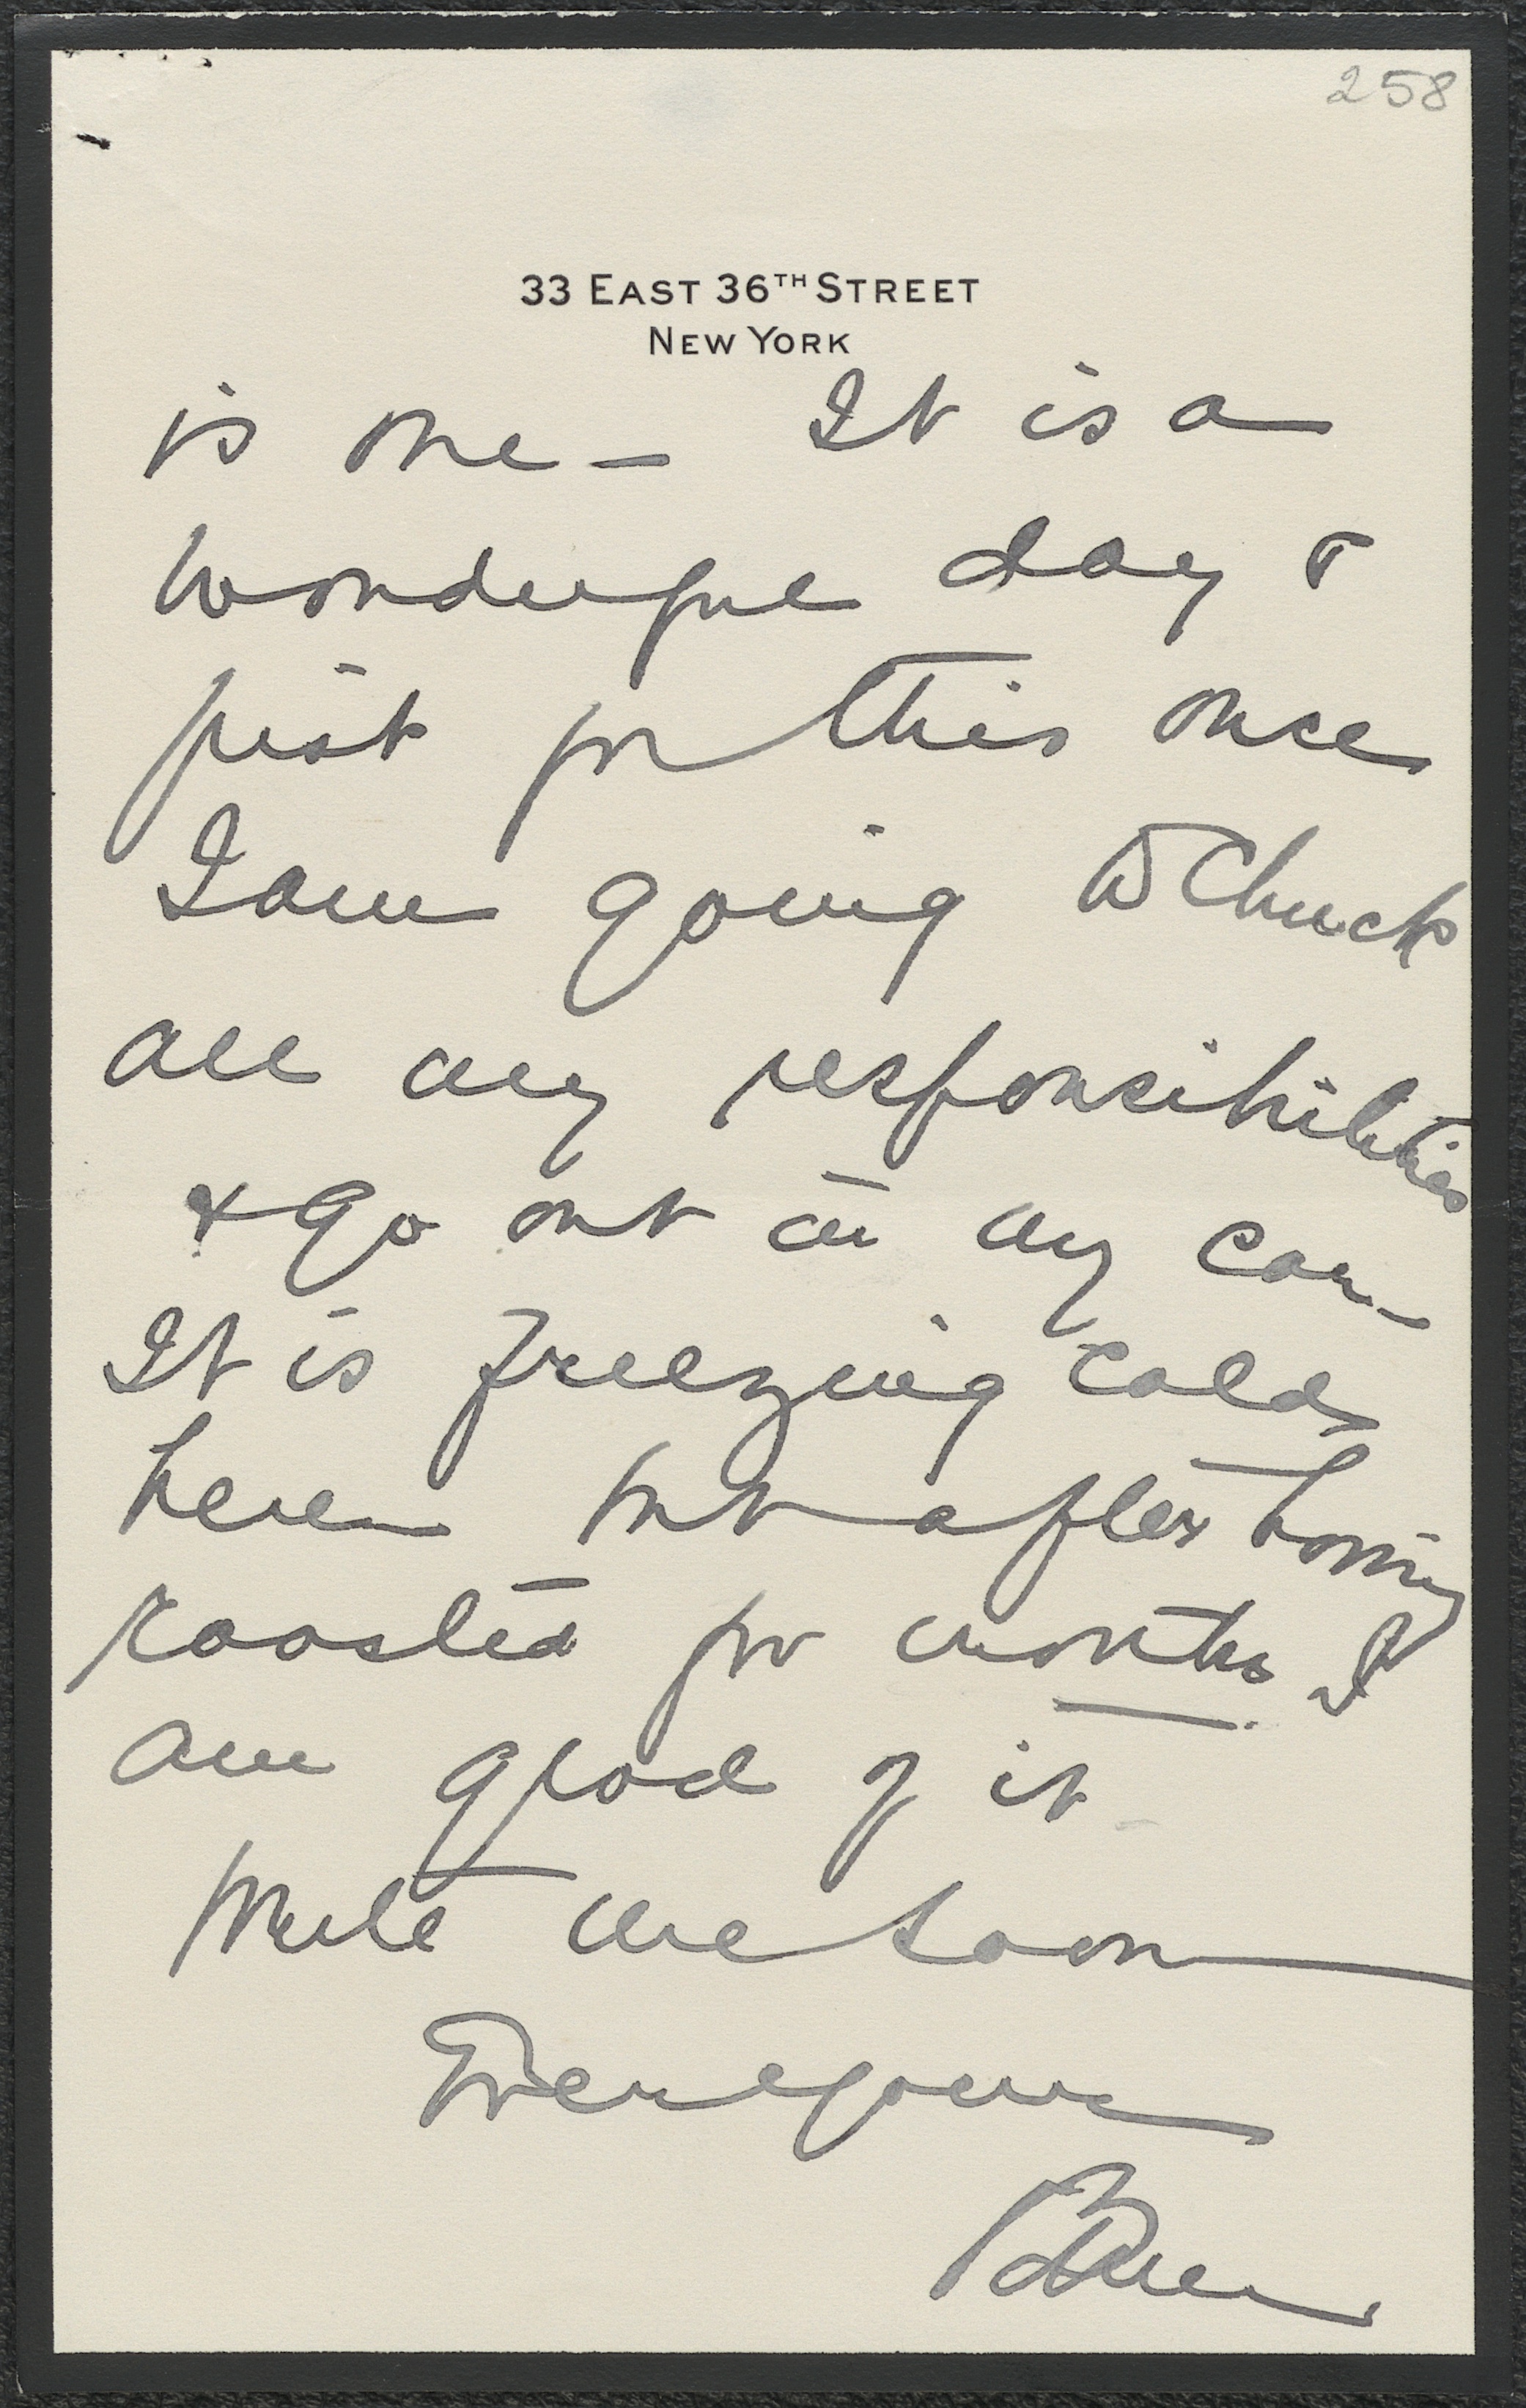is one – It is a wonderful day & just for this once I am going to chuck all my responsibilities & go out in my car – It is freezing cold here but after having roosted for months I am glad of it
Write me soon
Ever yours
Belle